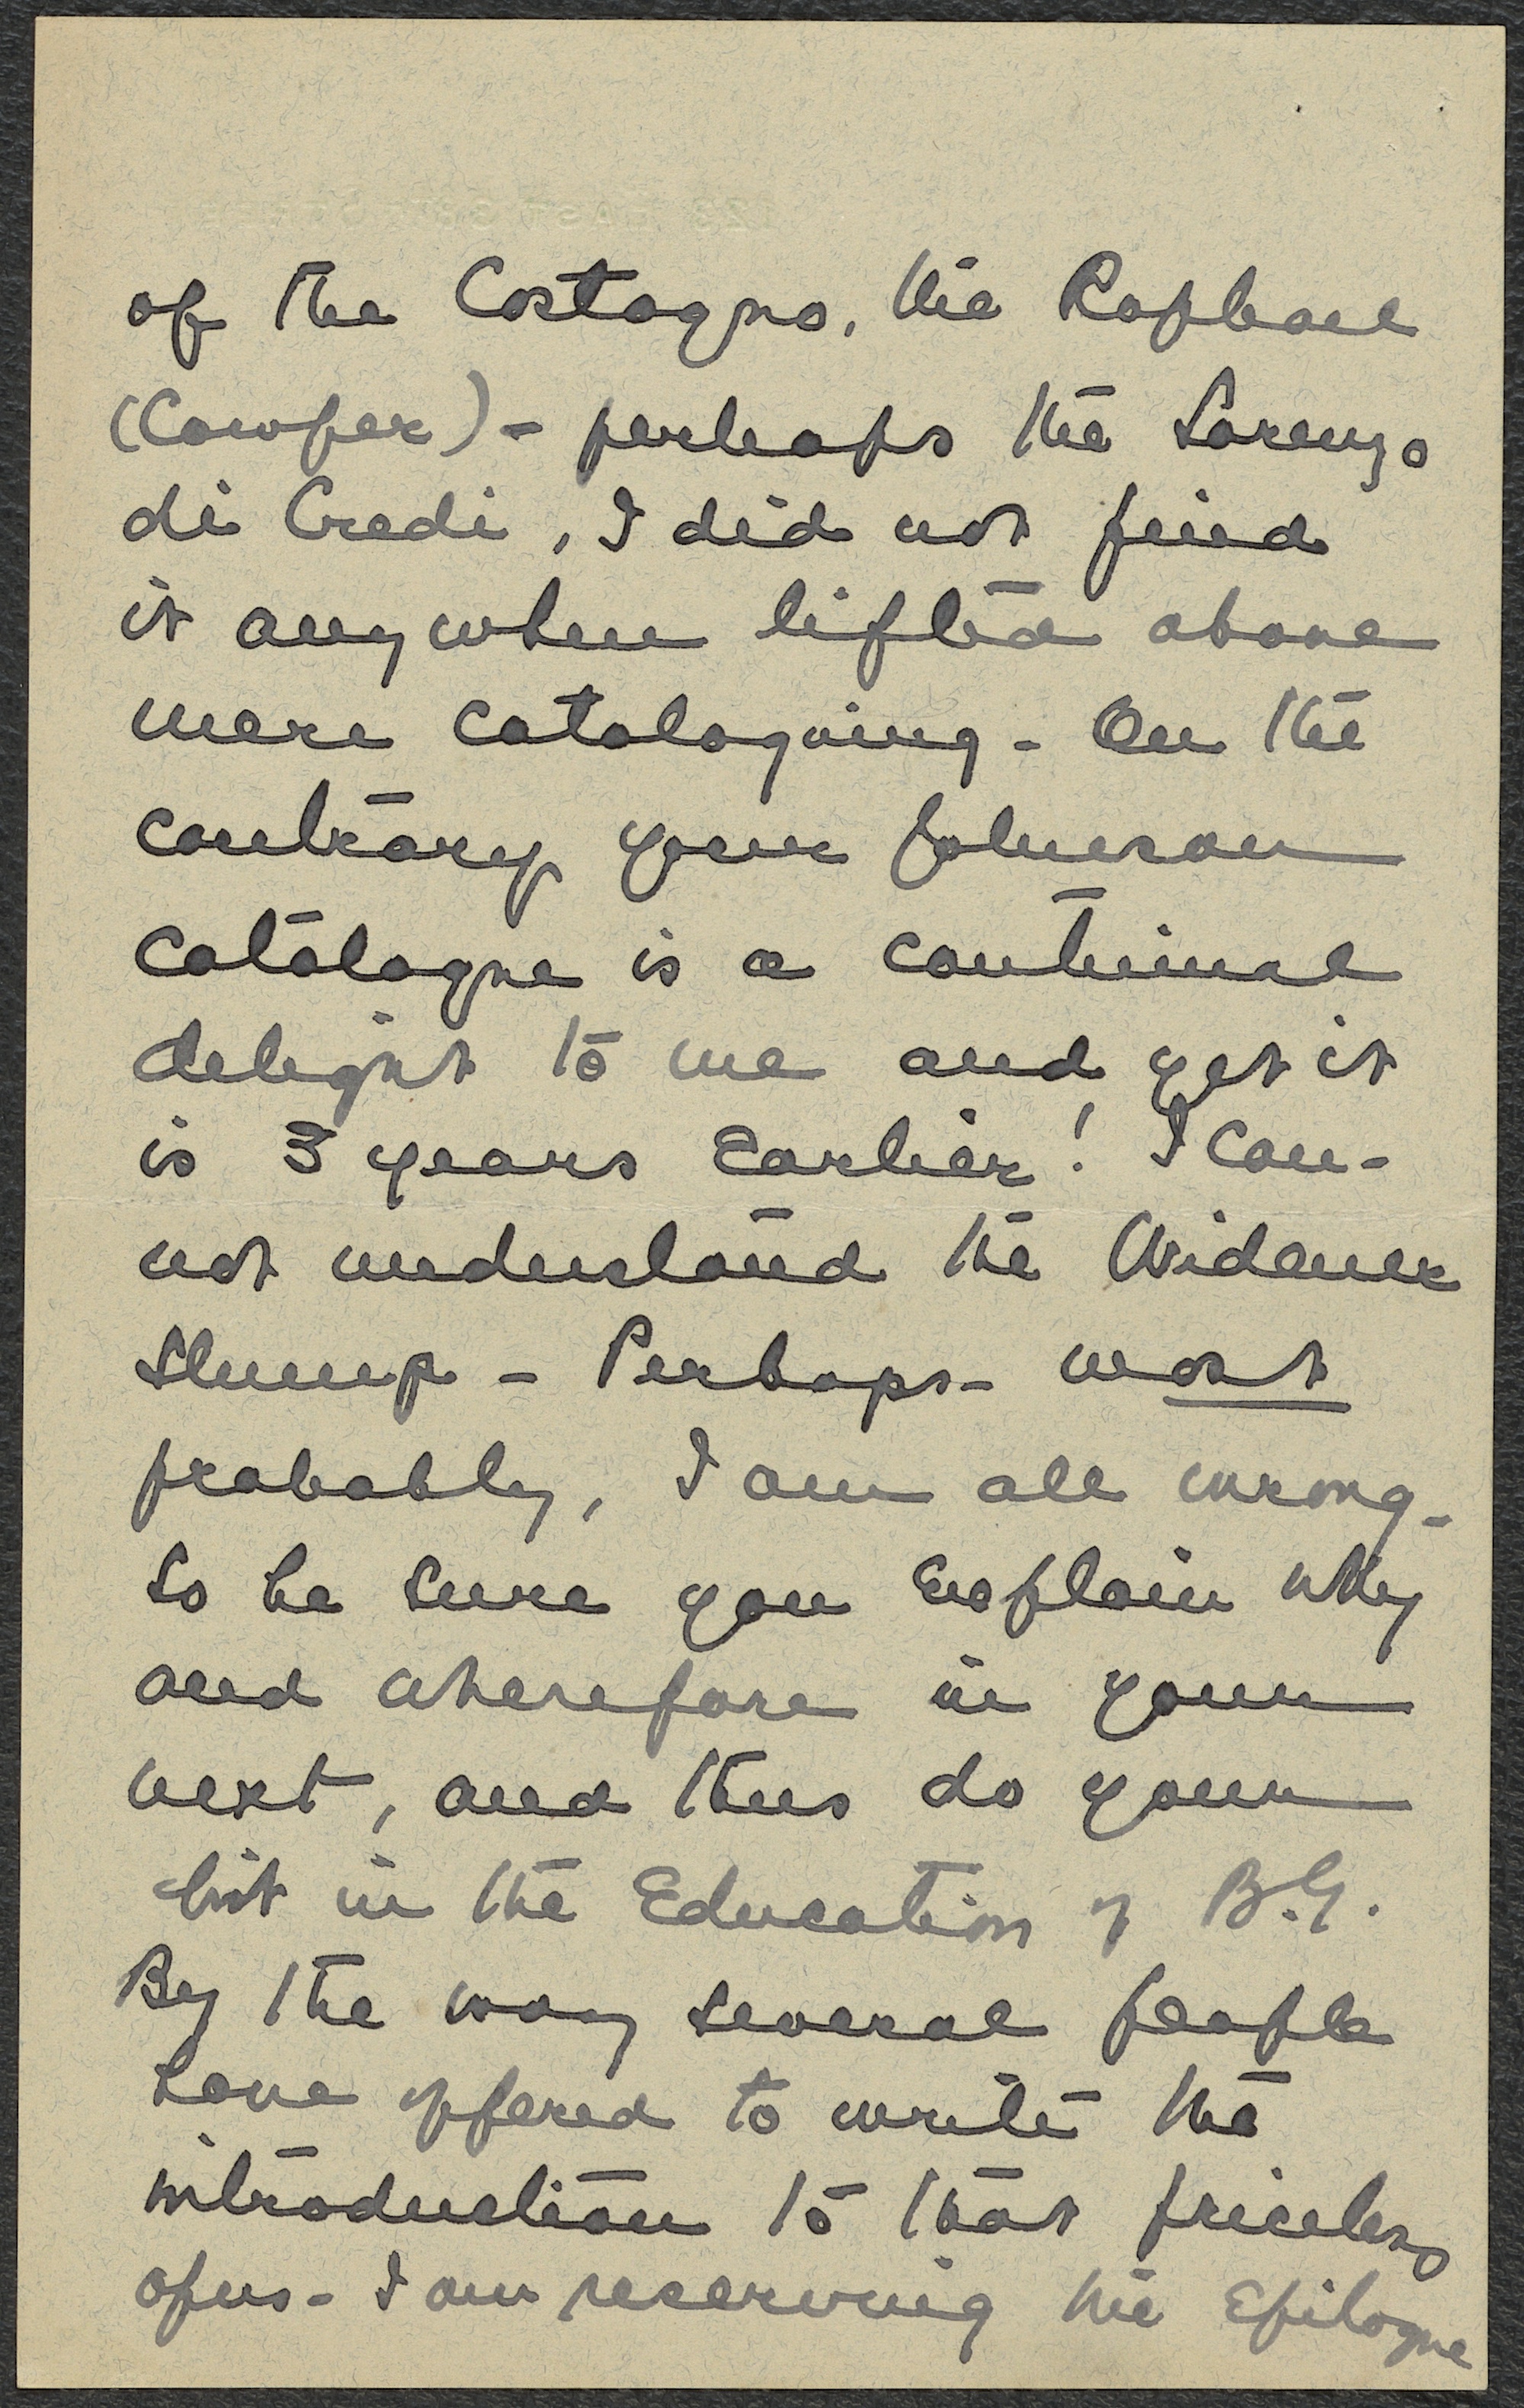of the Castagno, the Raphael (Cowper) – perhaps the Lorenzo di Credi, I did not find it anywhere lifted above mere cataloguing. On the contrary your Johnson catalogue is a continual delight to me and yet it is 3 years earlier! I cannot understand the Widener slump – Perhaps – most probably, I am all wrong – so be sure you explain why and wherefore in your next, and thus do your bit in the education of B.G.
By the way several people have offered to write the introduction to that priceless opus – I am reserving the epilogue